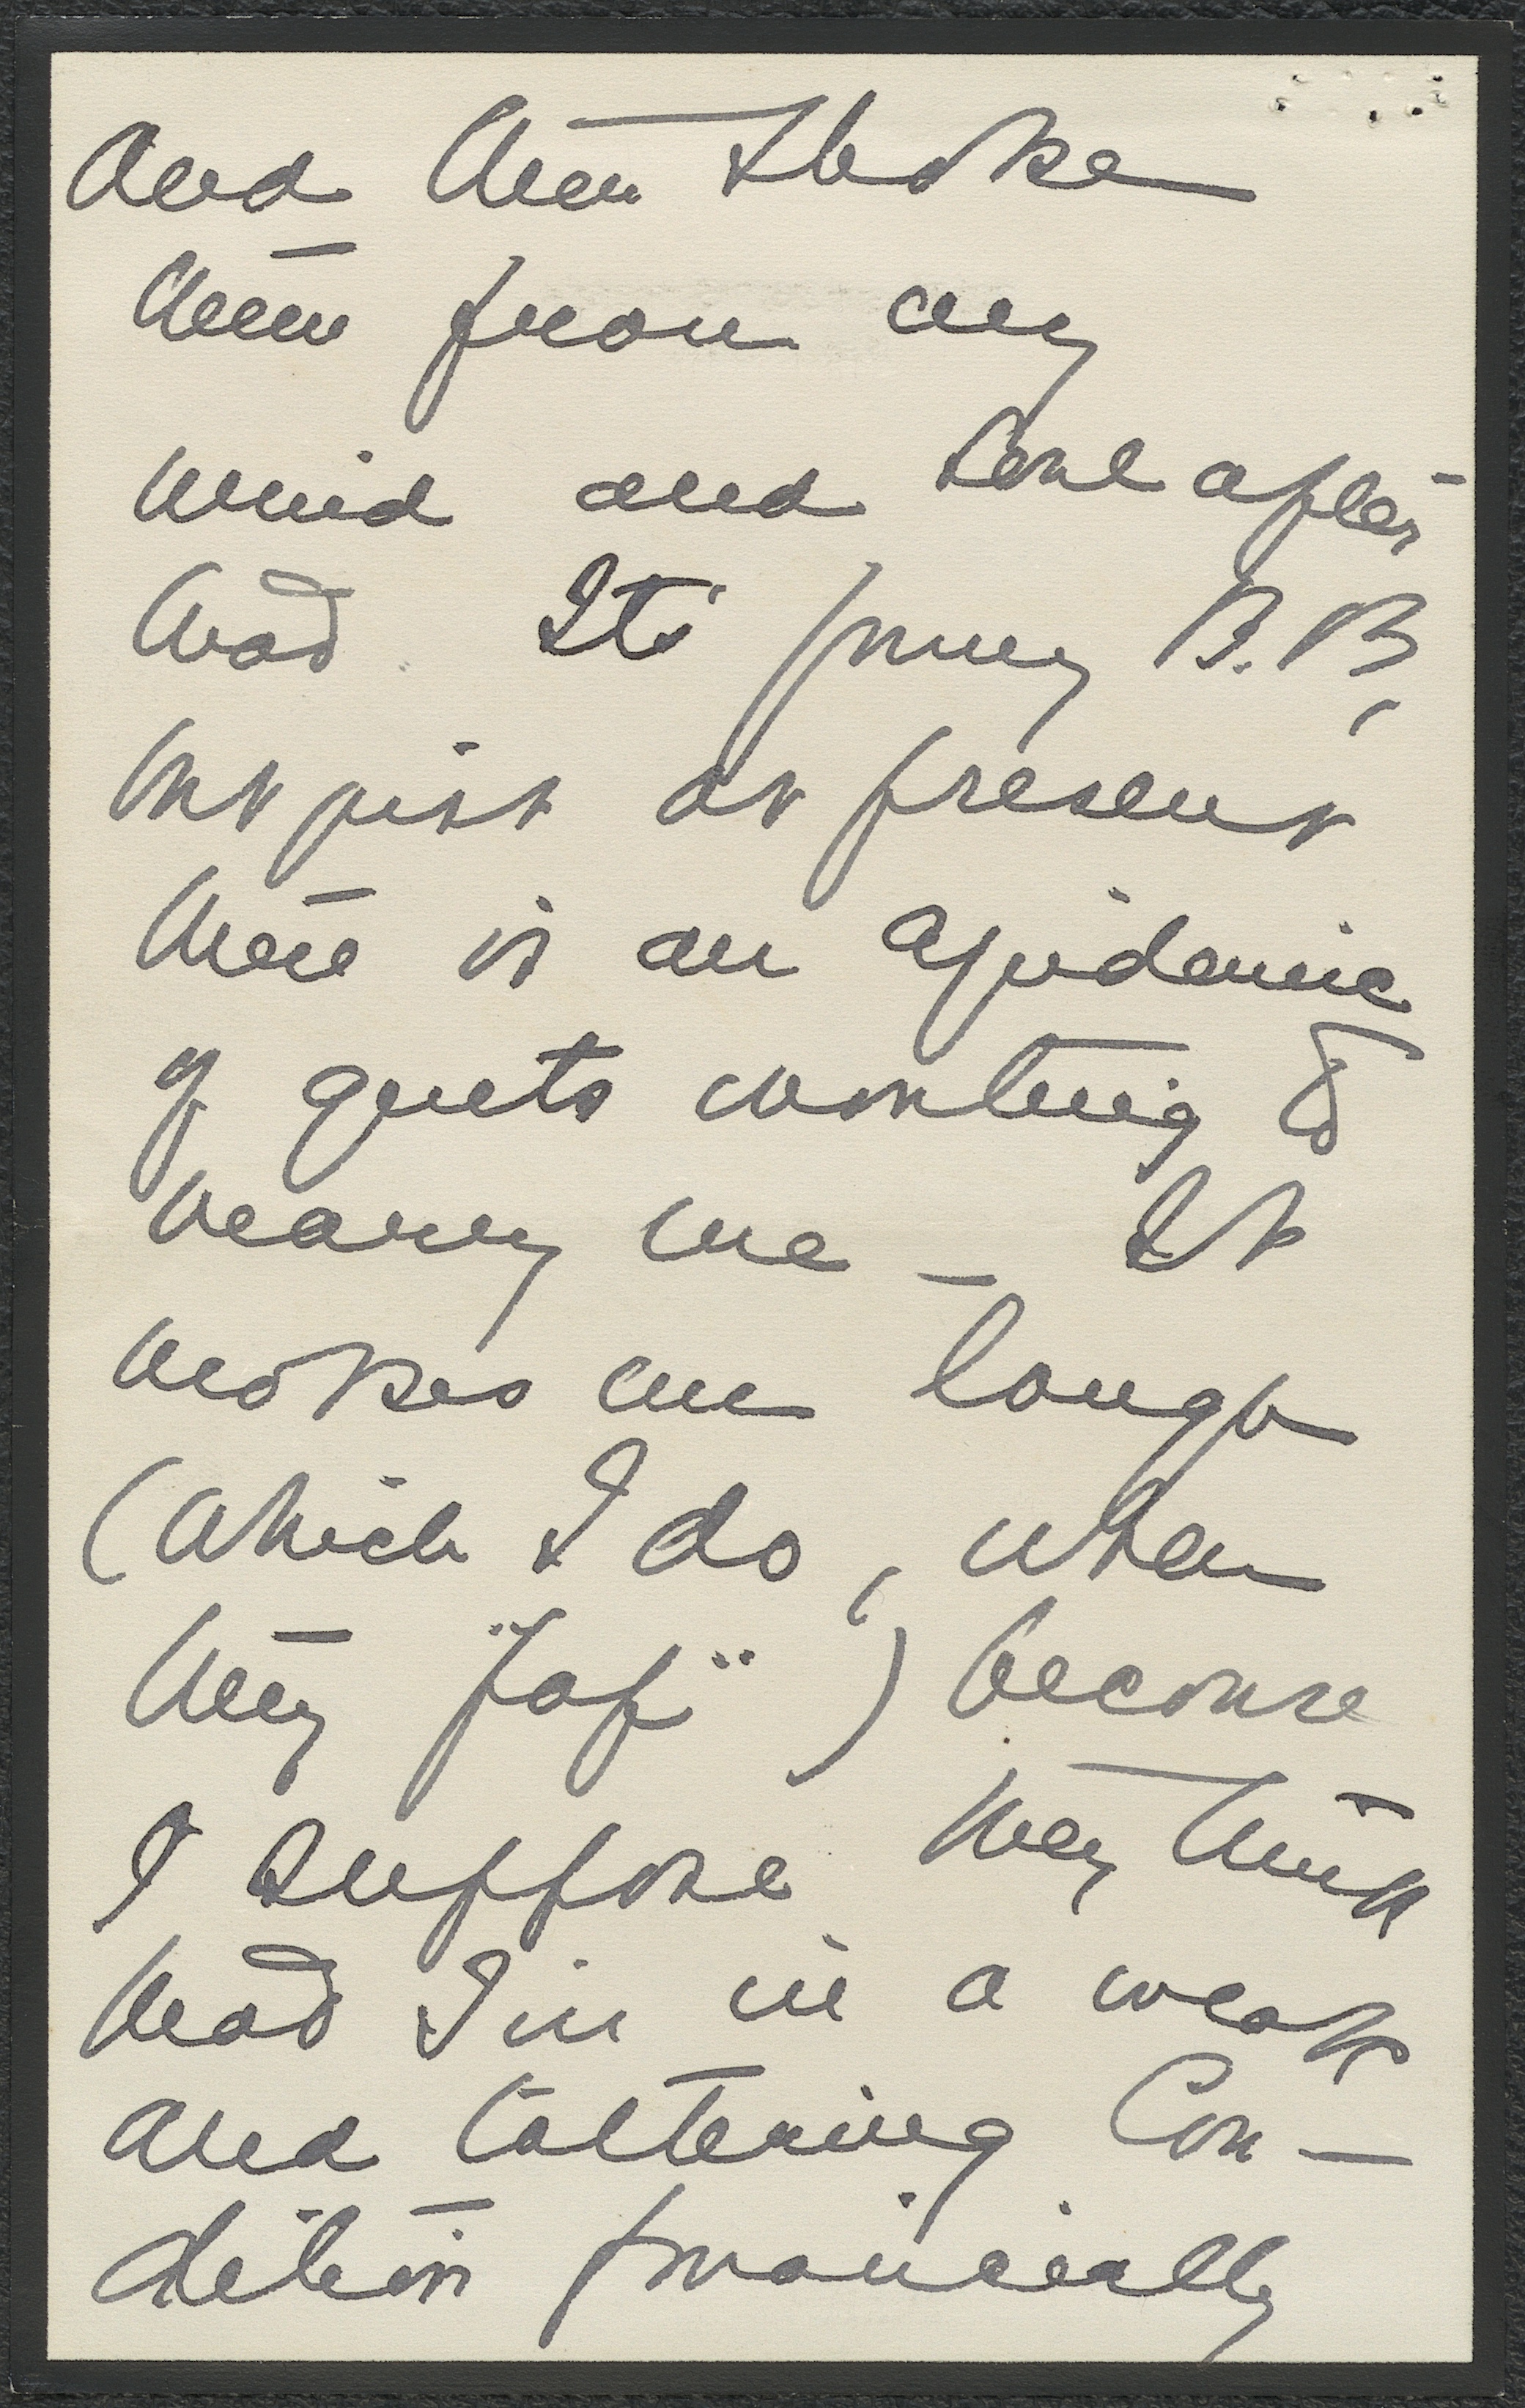and then shake them from my mind and soul after that. It’s funny B. B., but just at present there is an epidemic of gents wanting to marry me – It makes me laugh (which I do when they “pop”) because I suppose they think that I’m in a weak and tottering condition financially